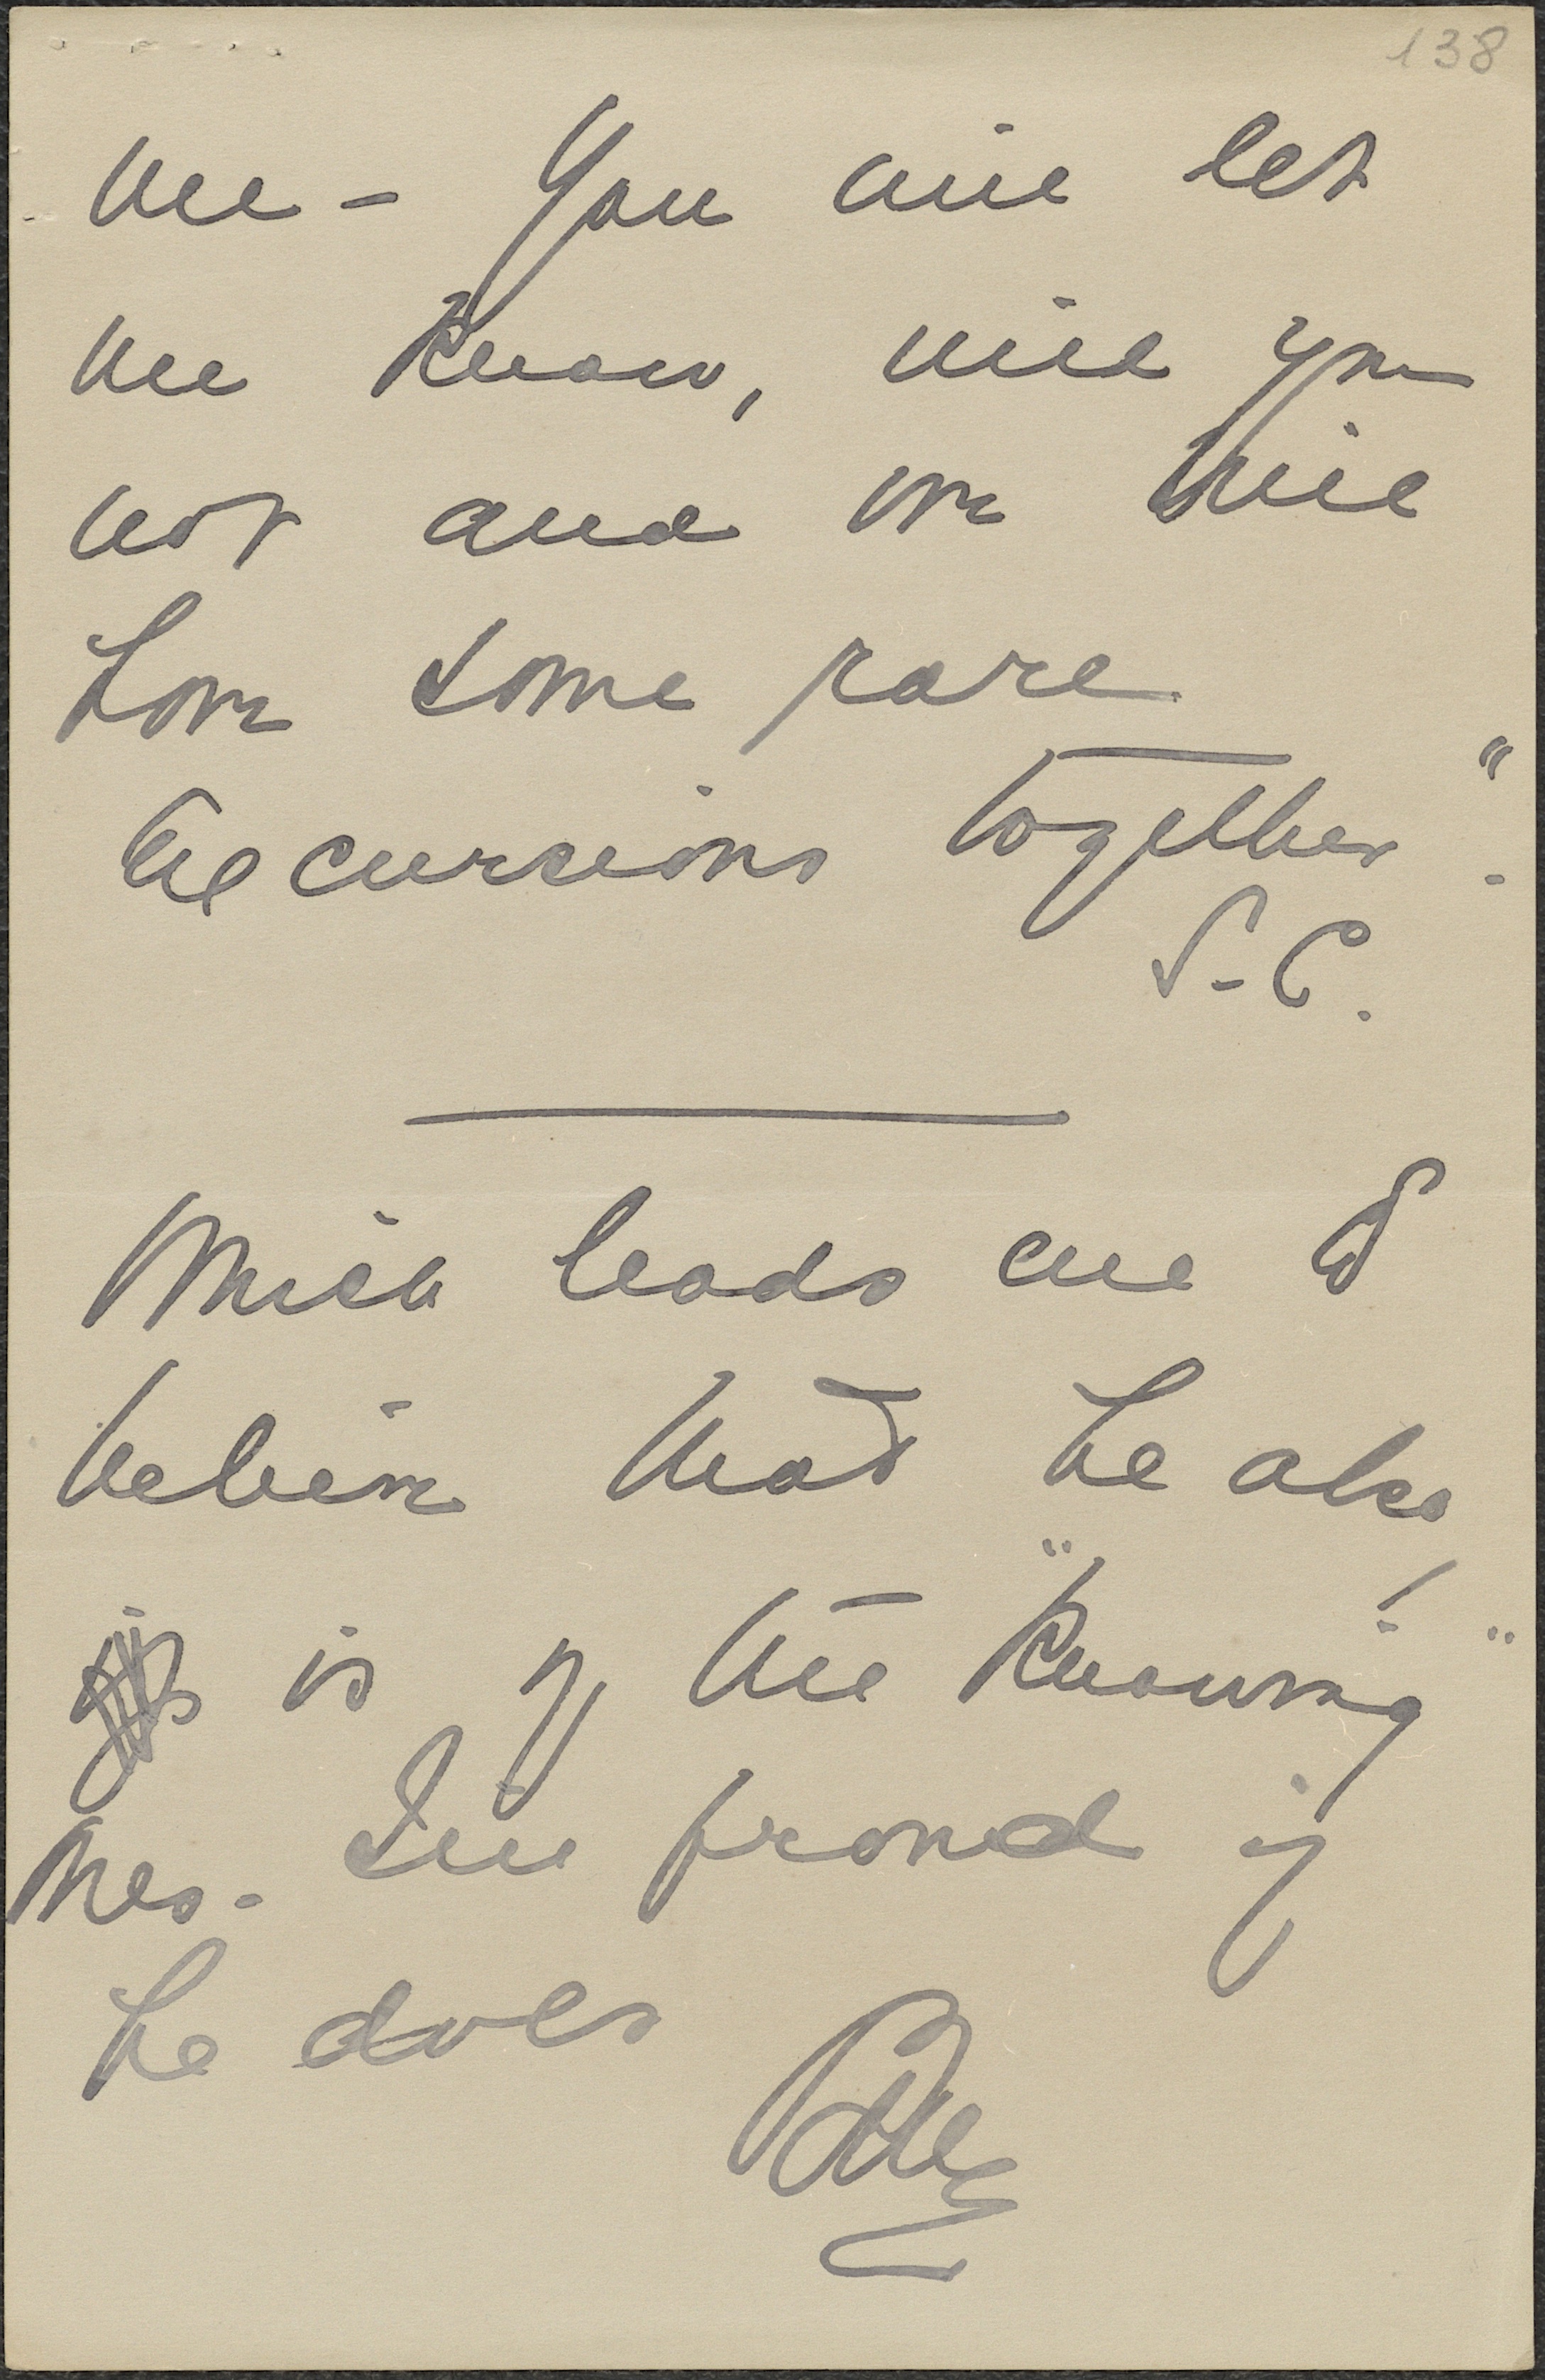me – You will let me know, will you not and one will have some rare excursions together.”
S.C.
–
Which leads me to believe that he also if is of the “knowing” ones – I’m proud if he does
Belle